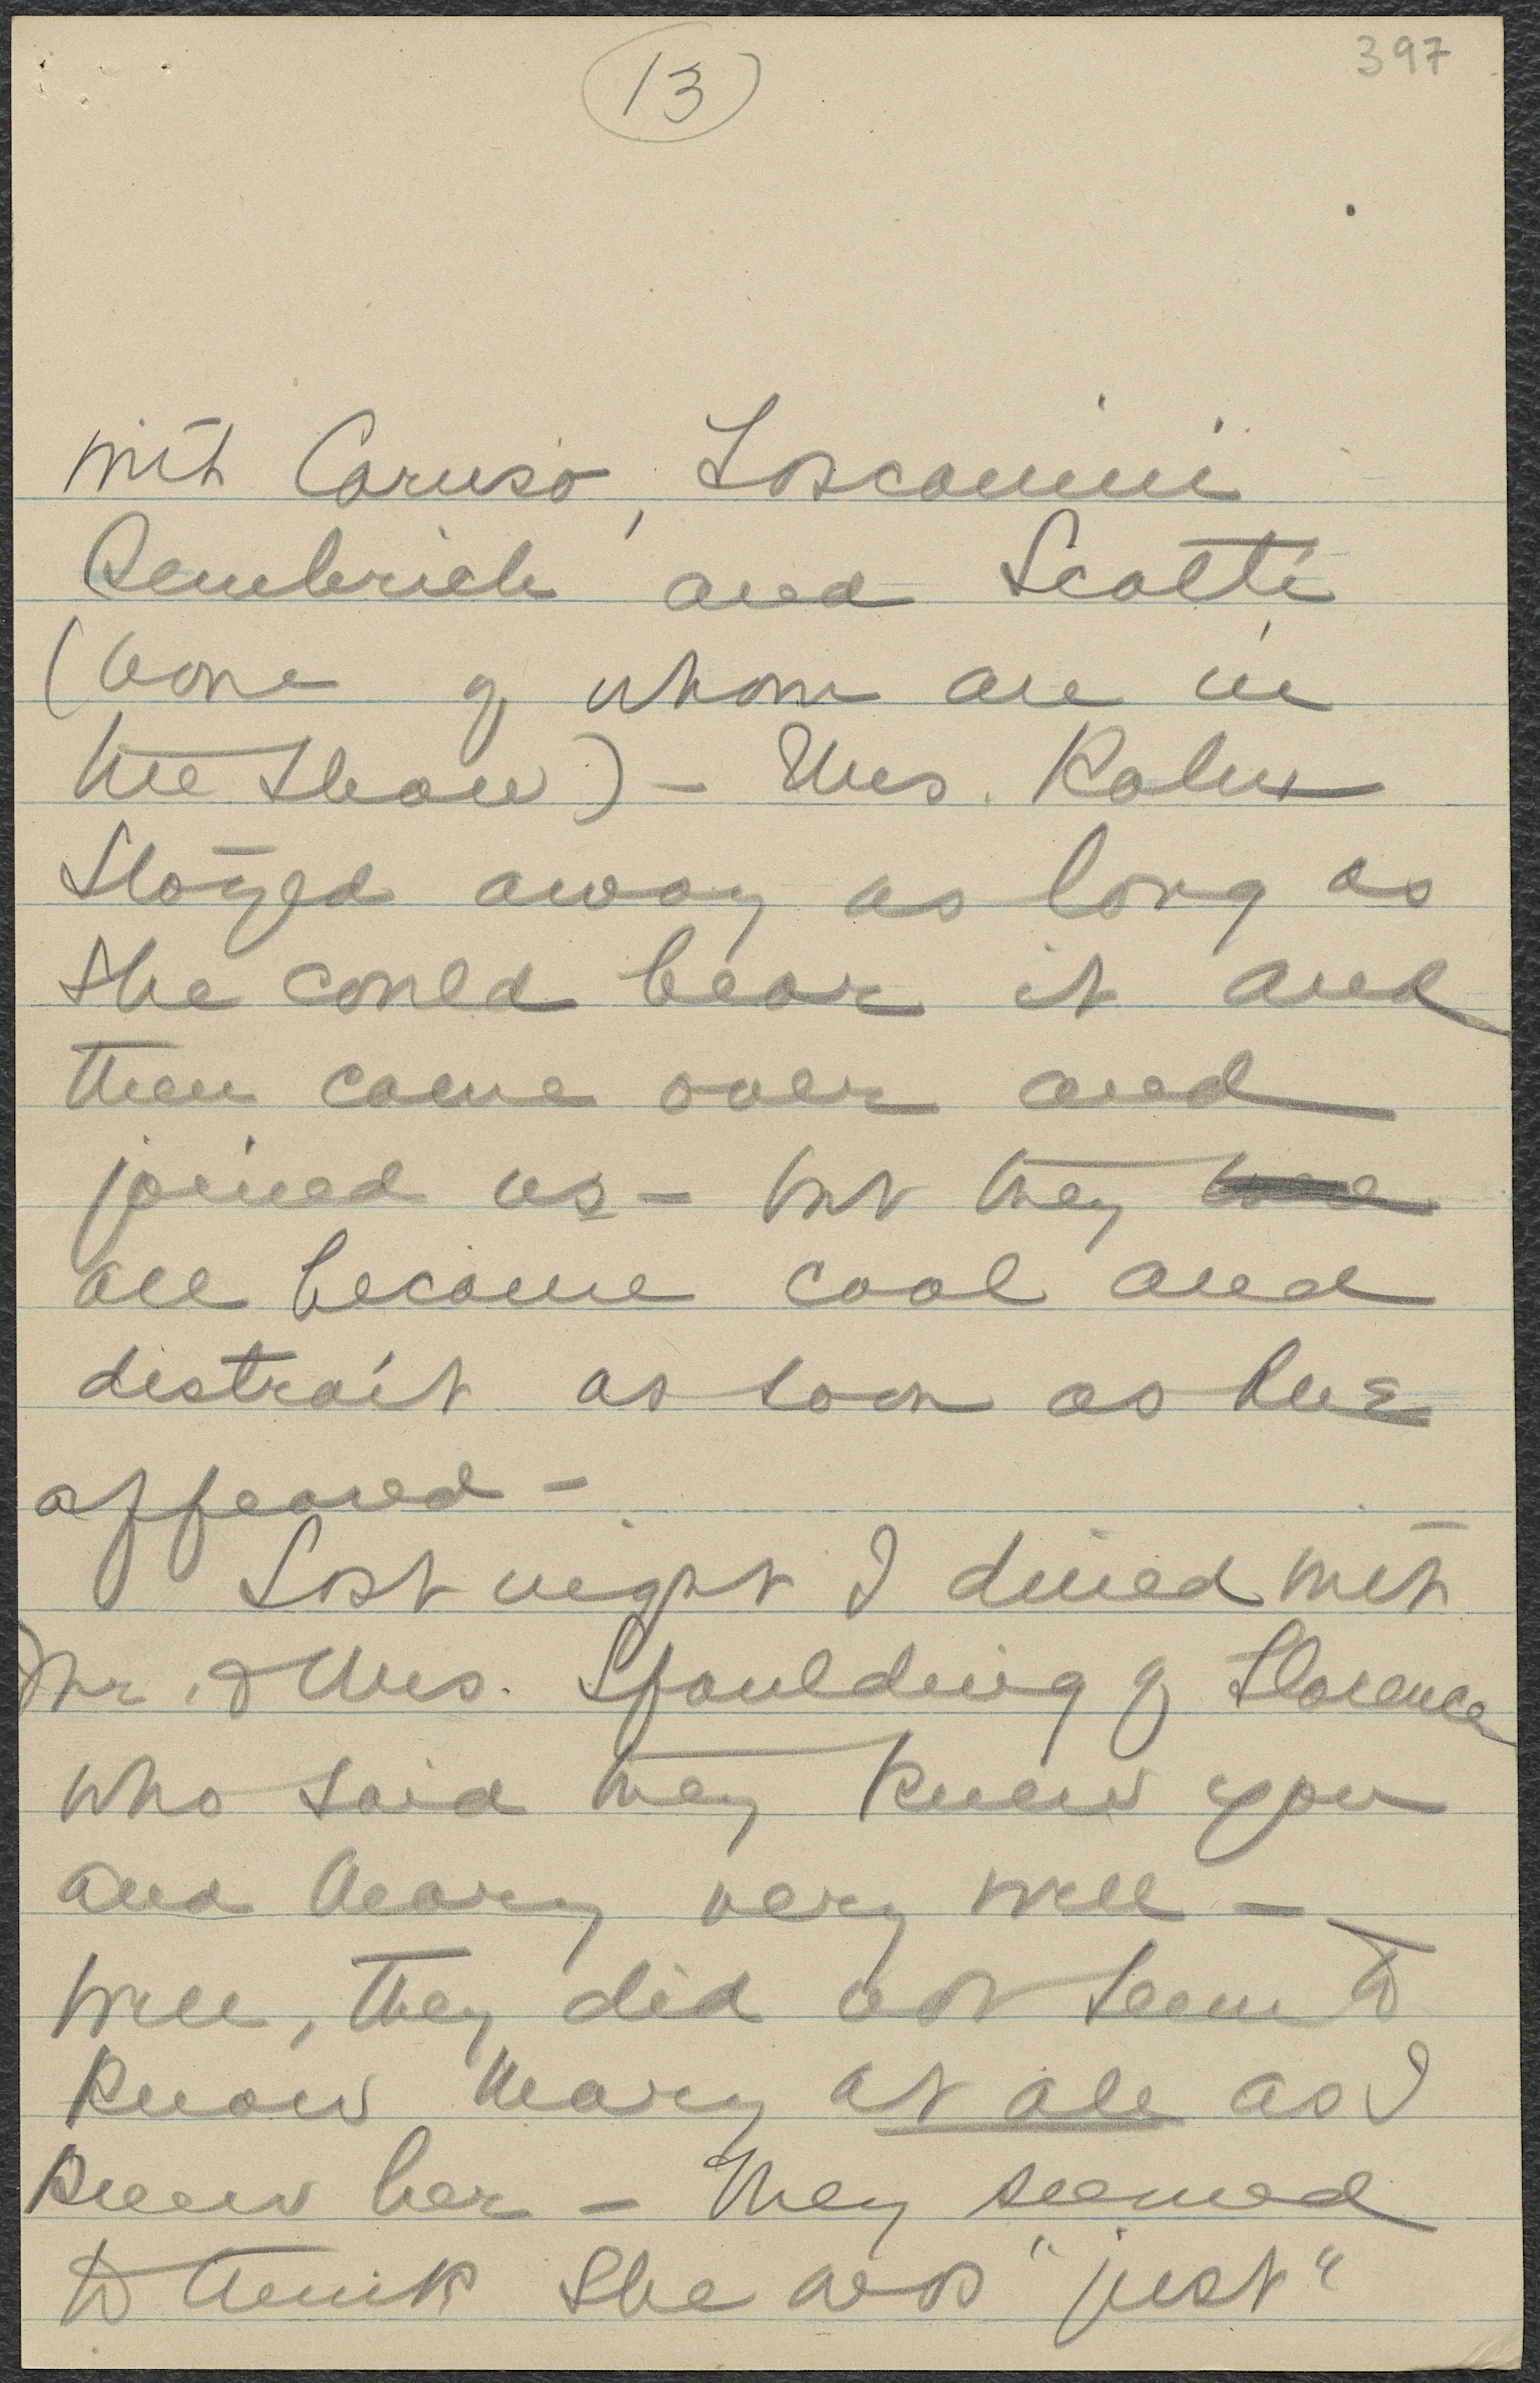with Caruso, Toscanini Sembrich and Scotti (none of whom are in the show) – Mrs. Kahn stayed away as long as she could bear it and then came over and joined us – but they were all became cool and distrait as soon as she appeared –
Last night I dined with Mr. & Mrs. Spaulding of Florence who said they knew you and Mary very well – well, they did not seem to know Mary at all as I knew her – they seemed to think she was “just”